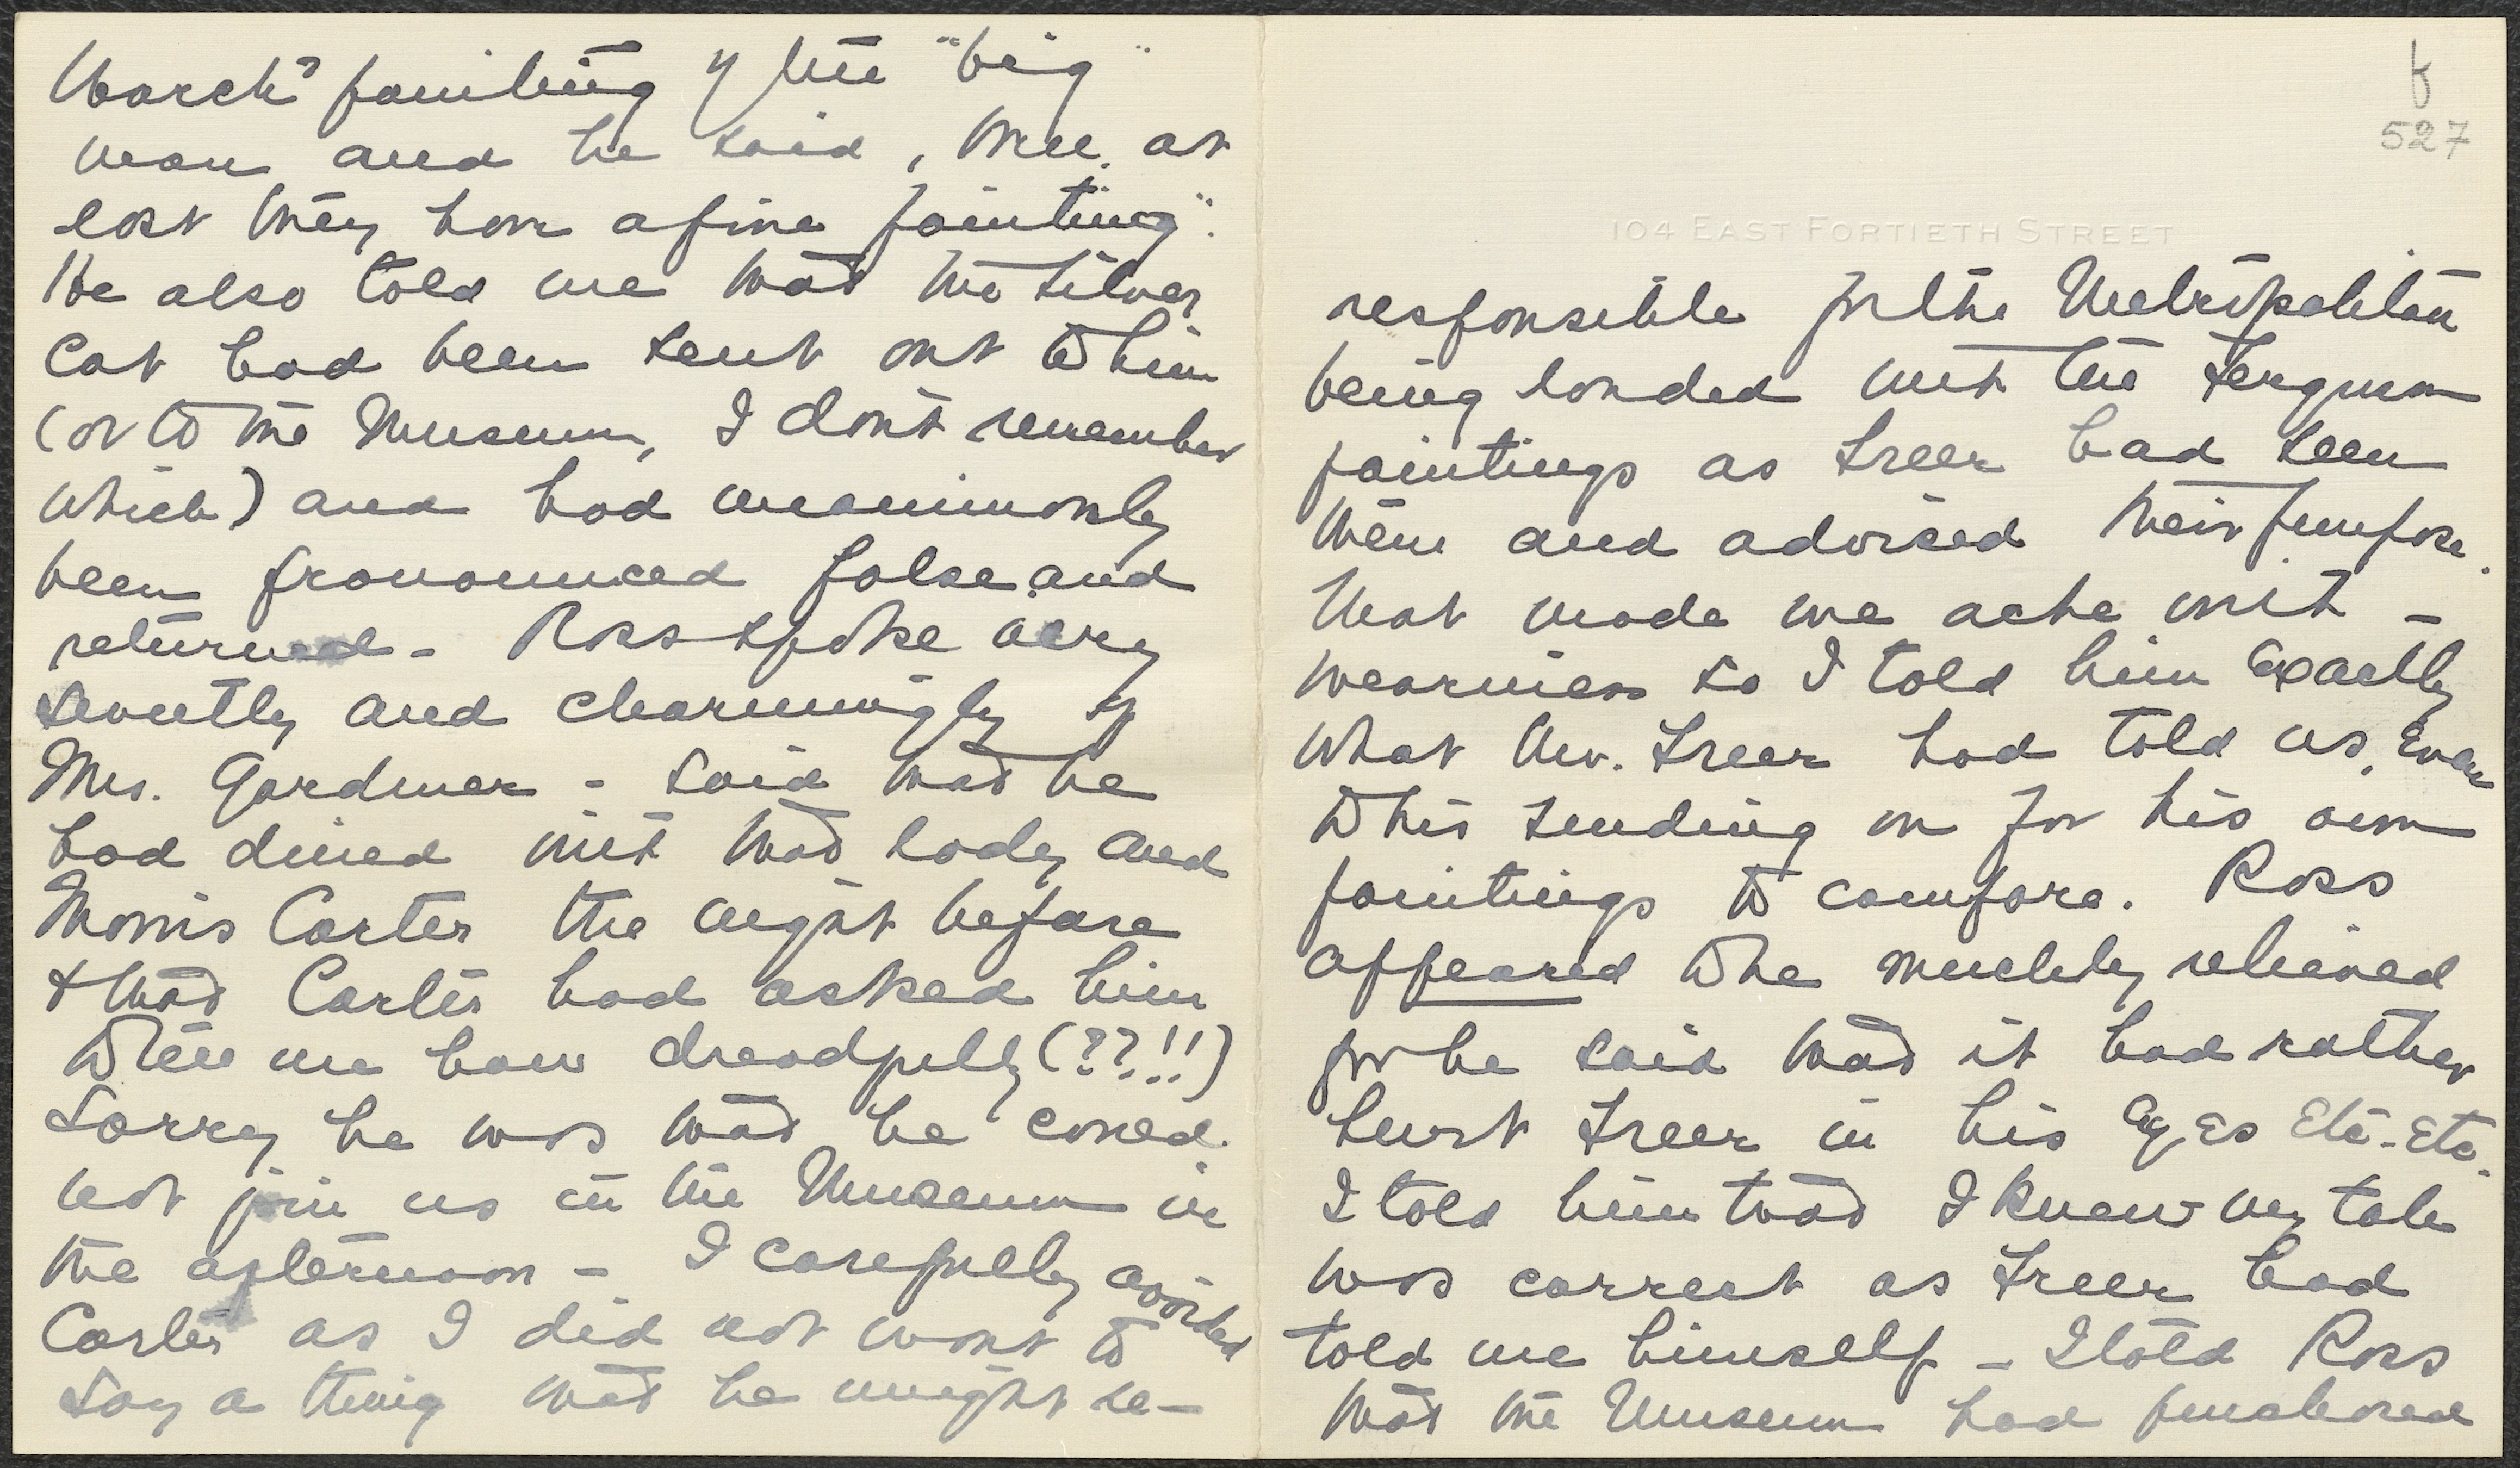responsible for the Metropolitan being loaded with the Ferguson paintings as Freer had seen them and adored their purpose. That made me ache with weariness so I told him exactly what Mr. Freer had told us, even to his sending on for his own paintings to compare. Ross appeared to be muchly relieved for he said that it had rather hurt Freer in his eyes etc. etc. I told him that I knew my tale was correct as Freer had told me himself – I told Ross that the Museum had purchased
Worch’ painting of the “big” man and he said, Well at last they have a fine painting”
He also told me that the silver cat had been sent out to him (or to the Museum, I don’t remember which) and had unanimously been pronounced false and returned – Ross spoke very sweetly and charmingly of Mrs. Gardner – said that he had dined with that lady and Morris Carter the night before & that Carter had asked him to tell me how dreadfully (??!!) sorry he was that he could not join us in the Museum in the afternoon – I carefully avoided Carter as I did not want to say a thing that he might